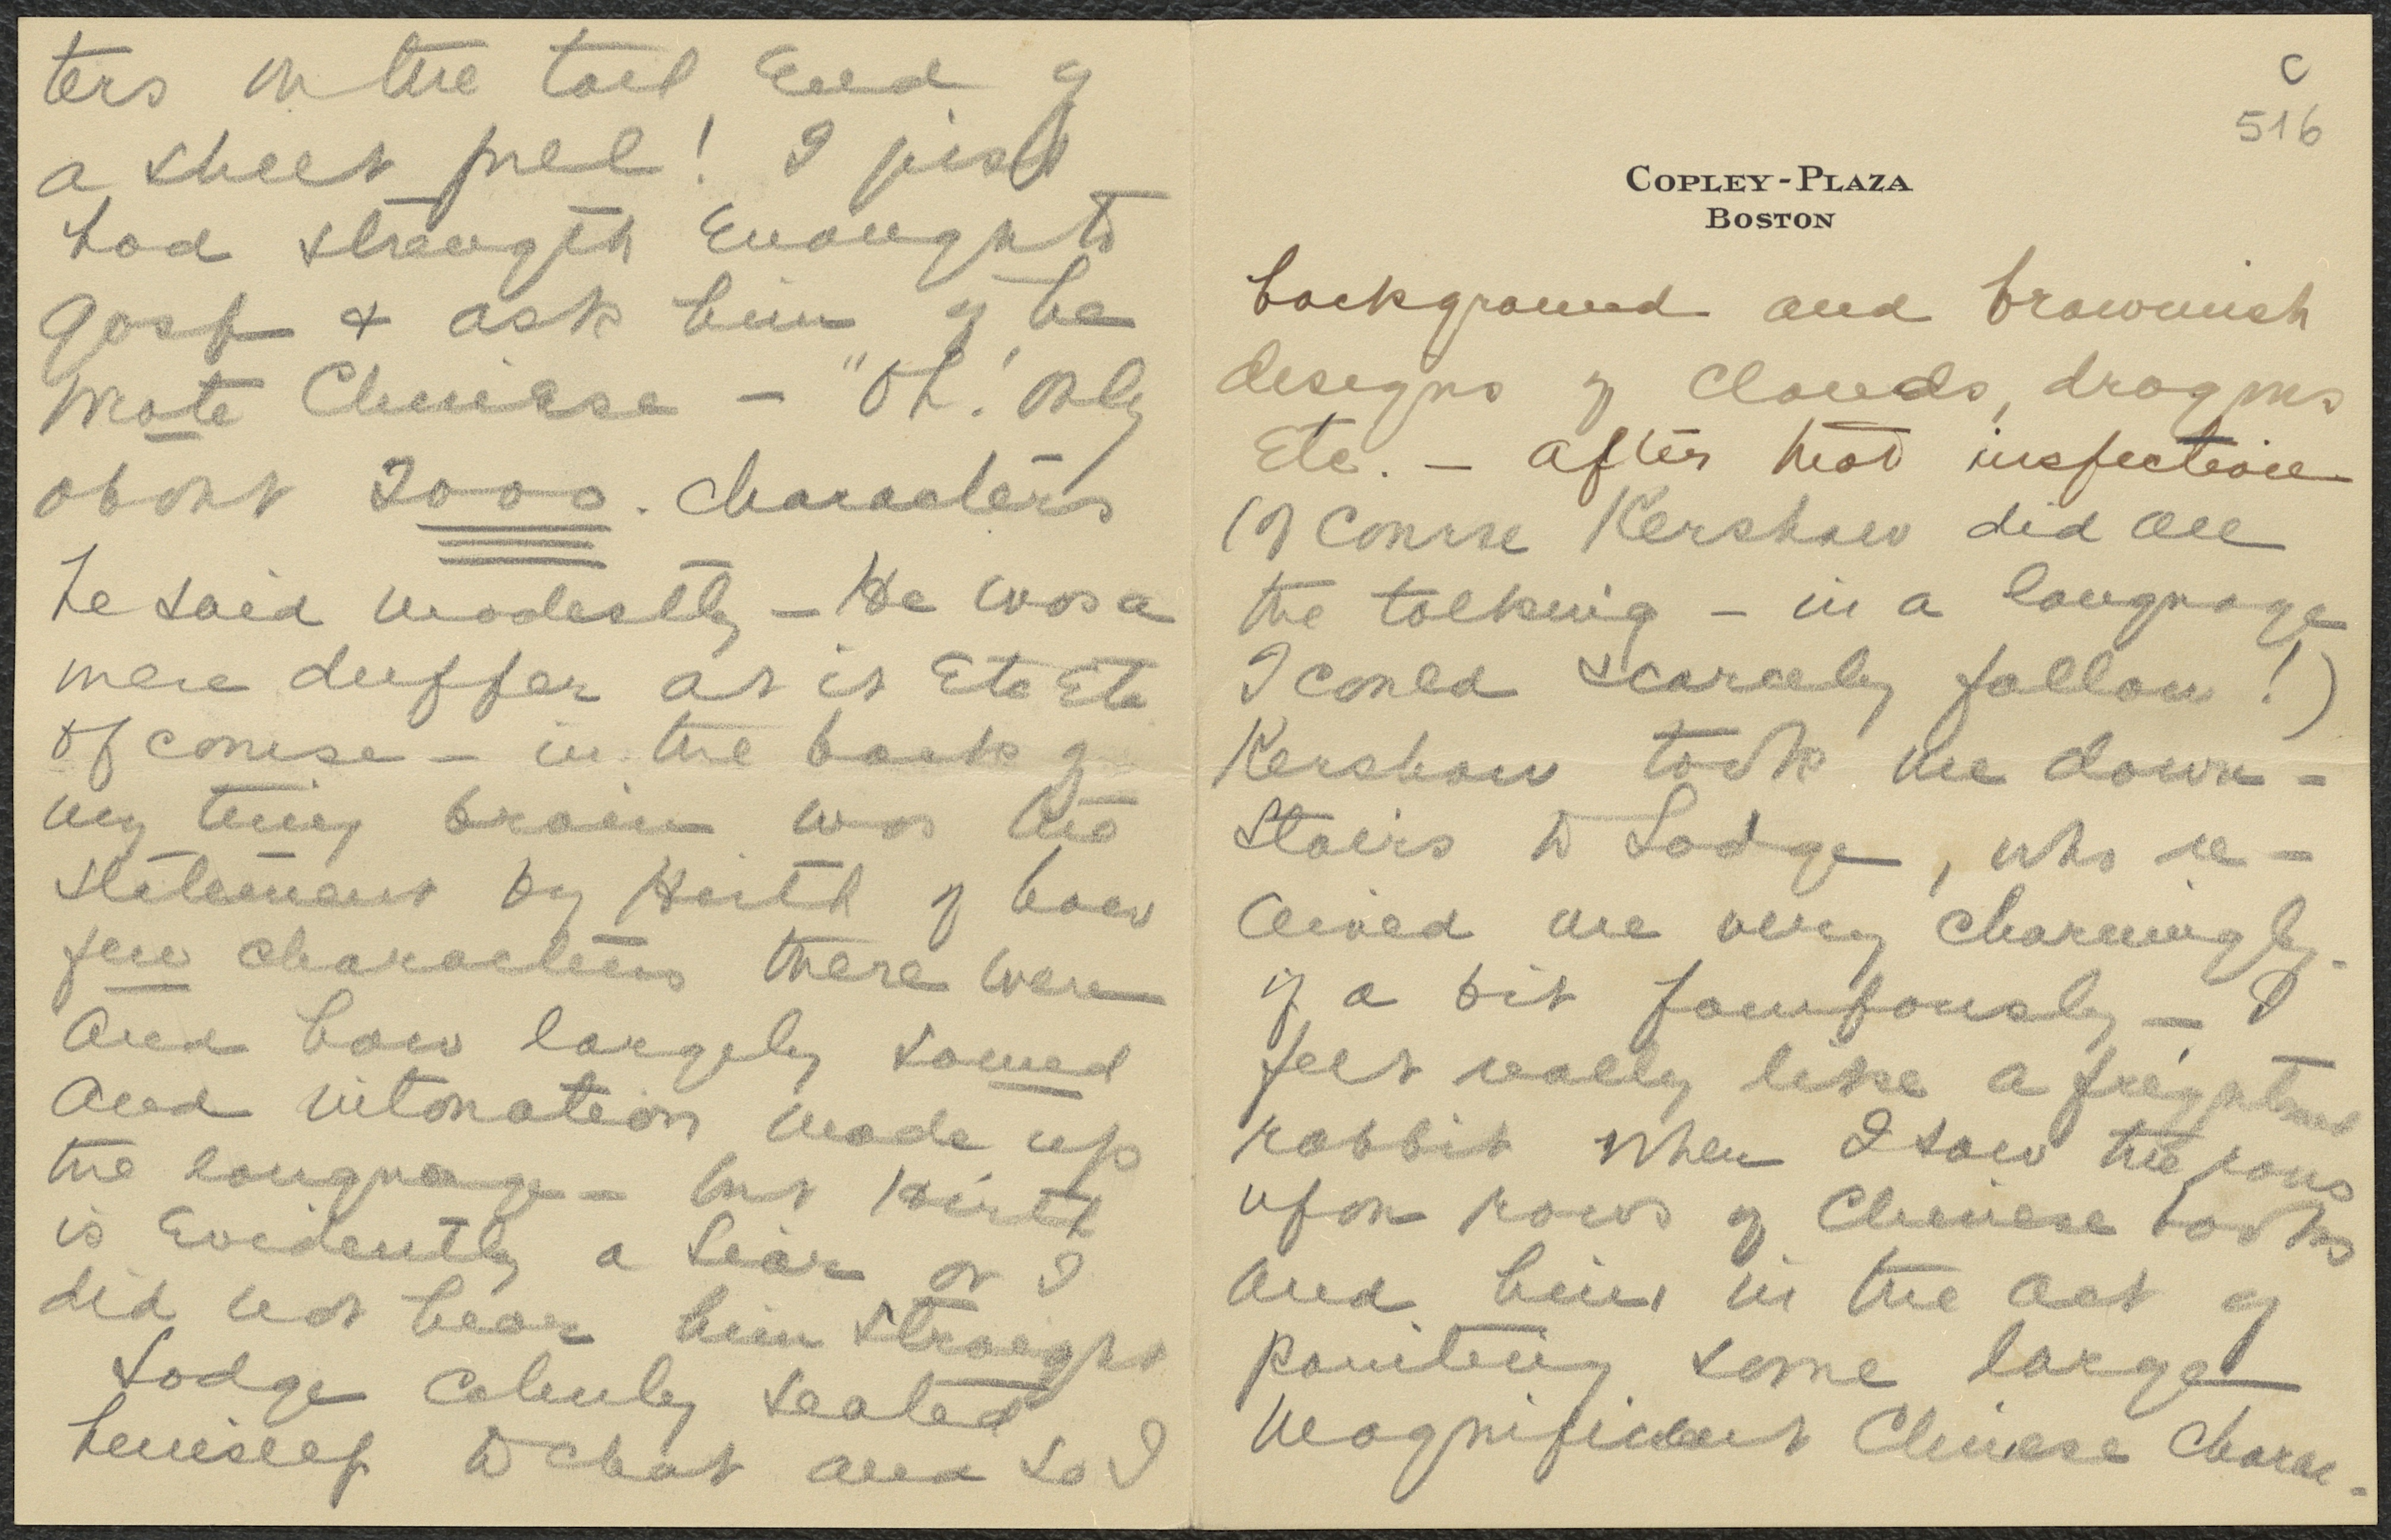background and brownish designs of clouds, dragons etc. – after that inspection (of course Kershaw did all the talking – in a language I could scarcely follow!) Kershaw took me downstairs to Lodge, who received me very charmingly – if a bit pompously – I felt really like a frightened rabbit when I saw the rows upon rows of Chinese books and him, in the act of painting some large magnificent Chinese characters
on the tail end of a sheet full! I just had strength enough to gasp & ask him if he wrote Chinese – “Oh! Only about [triple underlined: 2000] characters he said modestly – He was a mere duffer at it etc etc of course – in the back of my tiny brain was the statement by Hirth of how few characters there were and how largely sound and intonation made up the language – but Hirth is evidently a liar or I did not hear him straight
Lodge calmly seated himself to chat and so I